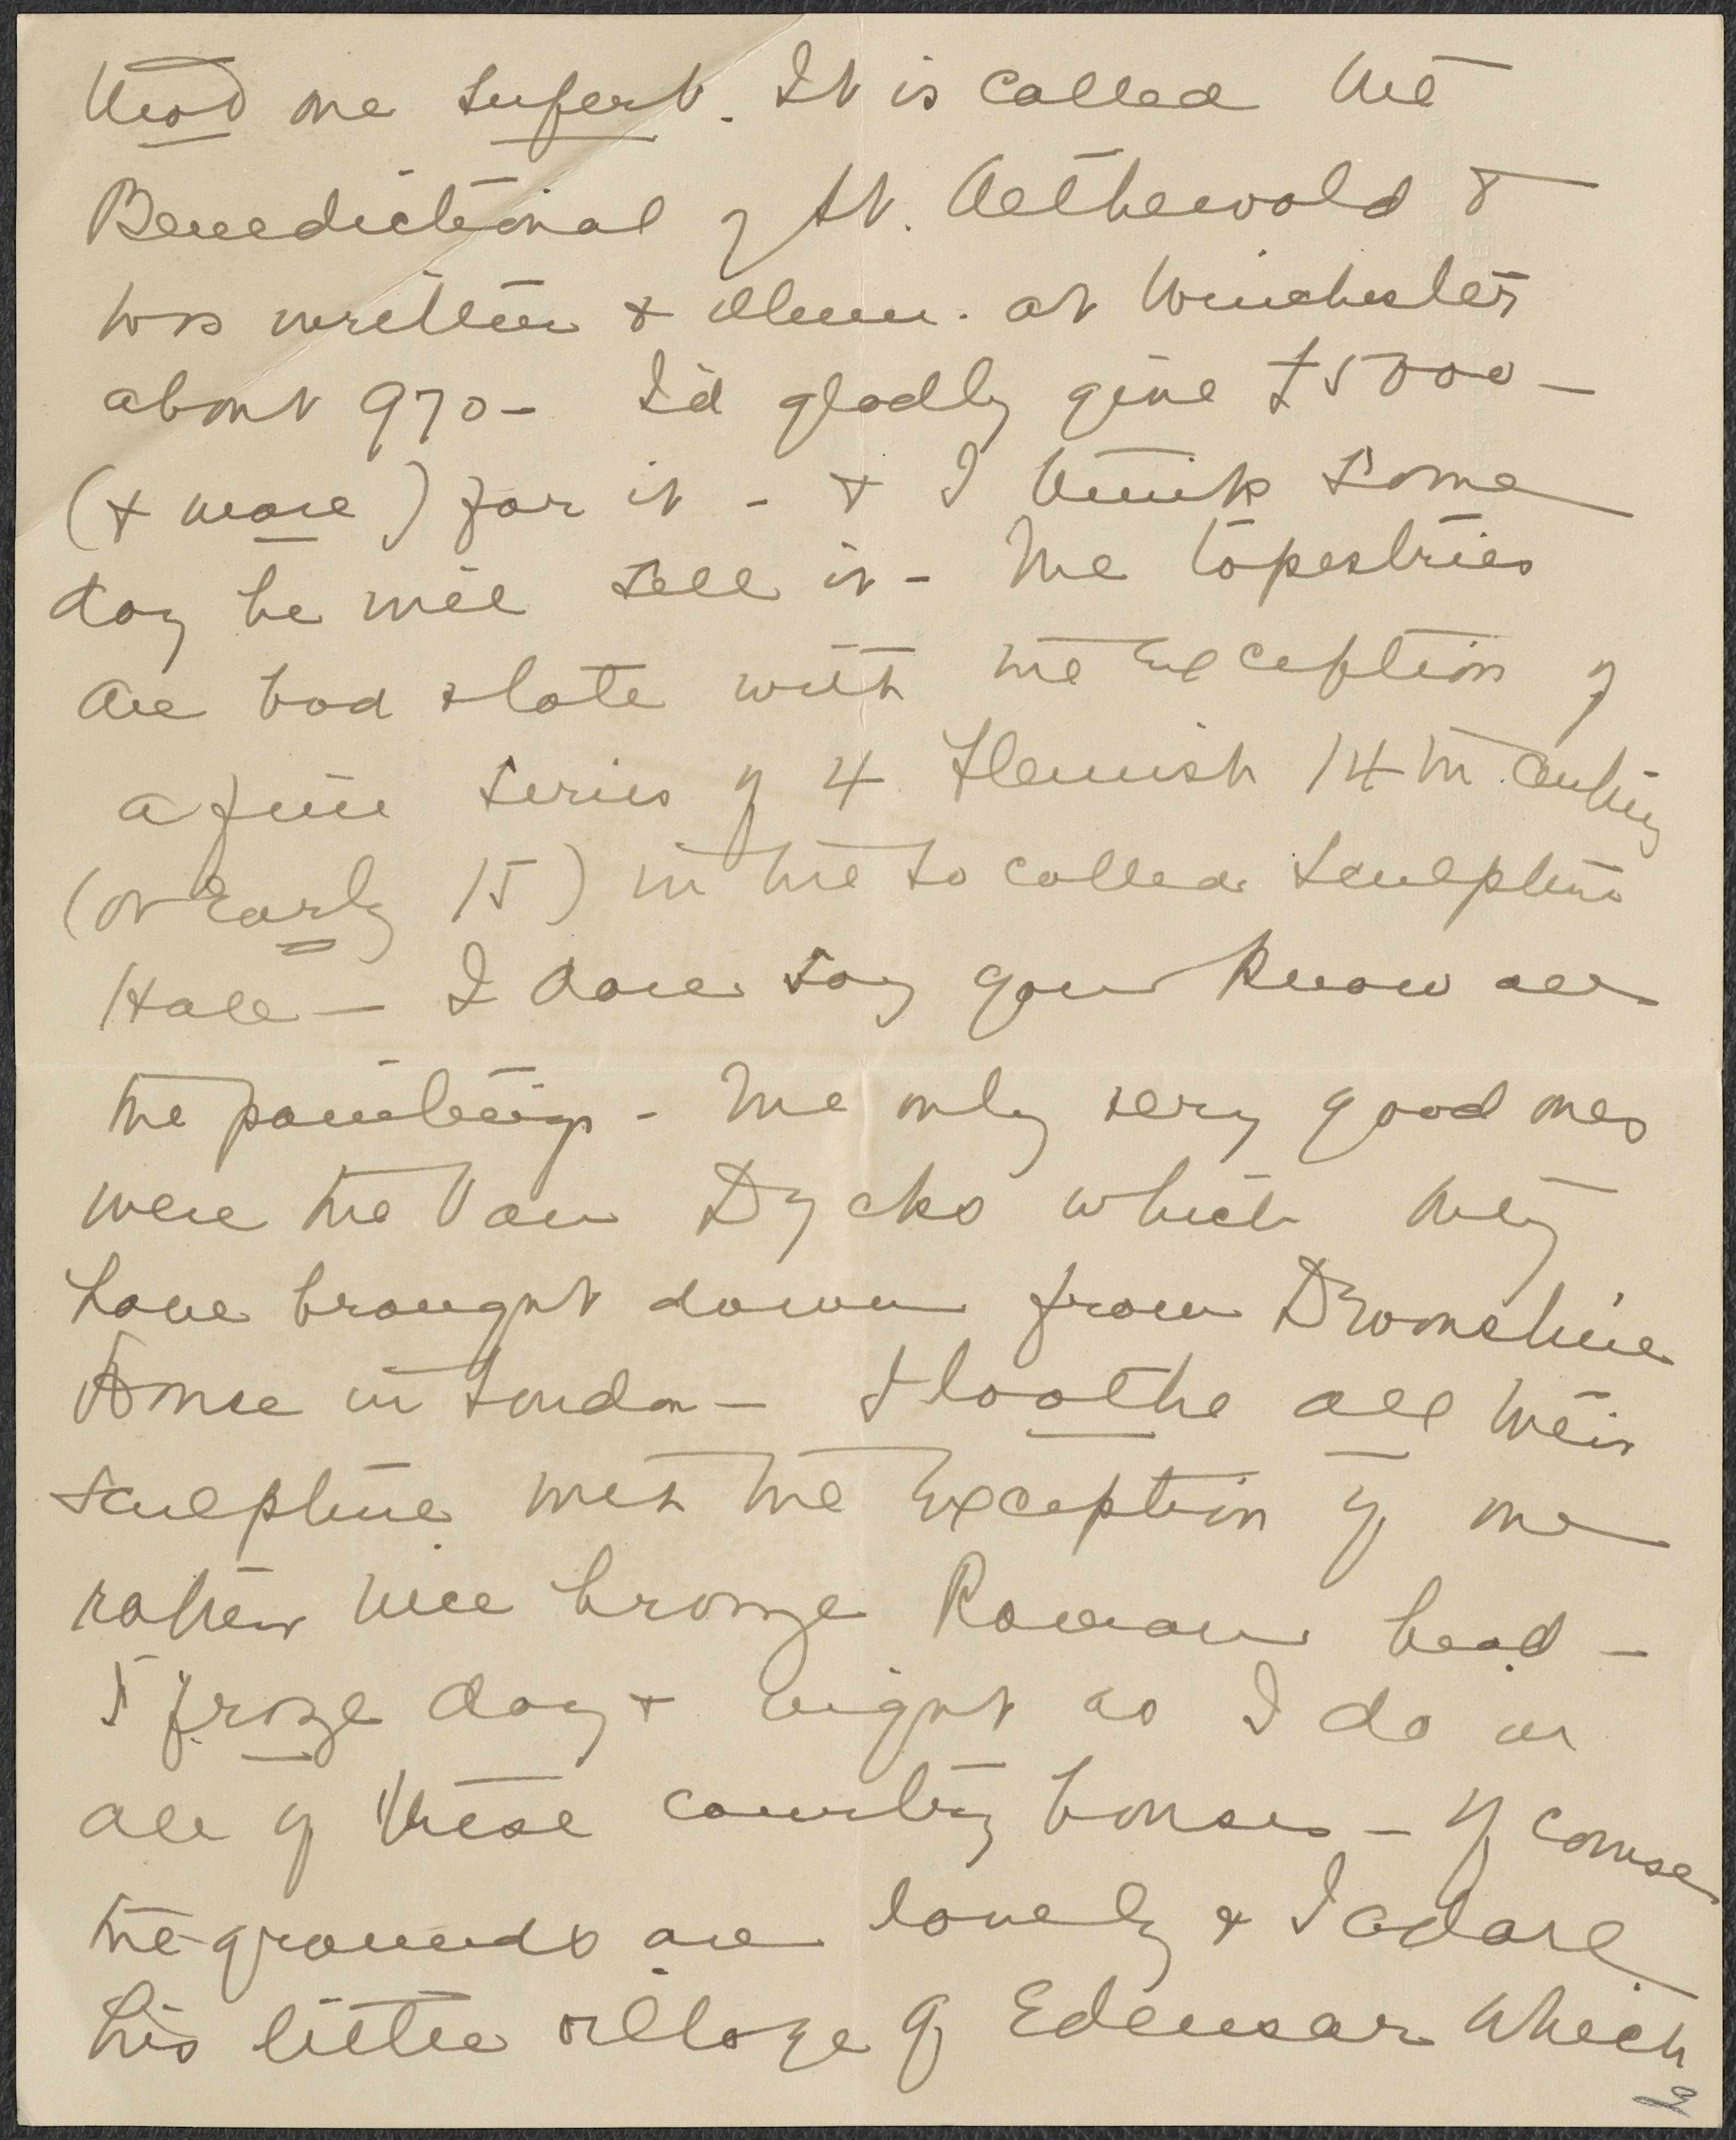that one superb. It is called the Benedictional of St. Aethelwold & was written & Ilum at Winchester about 970 – I’d gladly give £5000 – (& more) for it – & I think some day he may well sell it – The tapestries are bad & late with the exception of a fine series of 4 Flemish 14th Century (or early 15) in the so called Sculpture Hall – I dare say you know all the paintings. The only very good ones were the Van Dycks which they have brought down from Devonshire to me in London – I loathe all their sculpture with the exception of one rather nice bronze Roman head –
I froze day & night as I do in all of these country houses – of course the grounds are lovely & I adore his little village of Edensor which